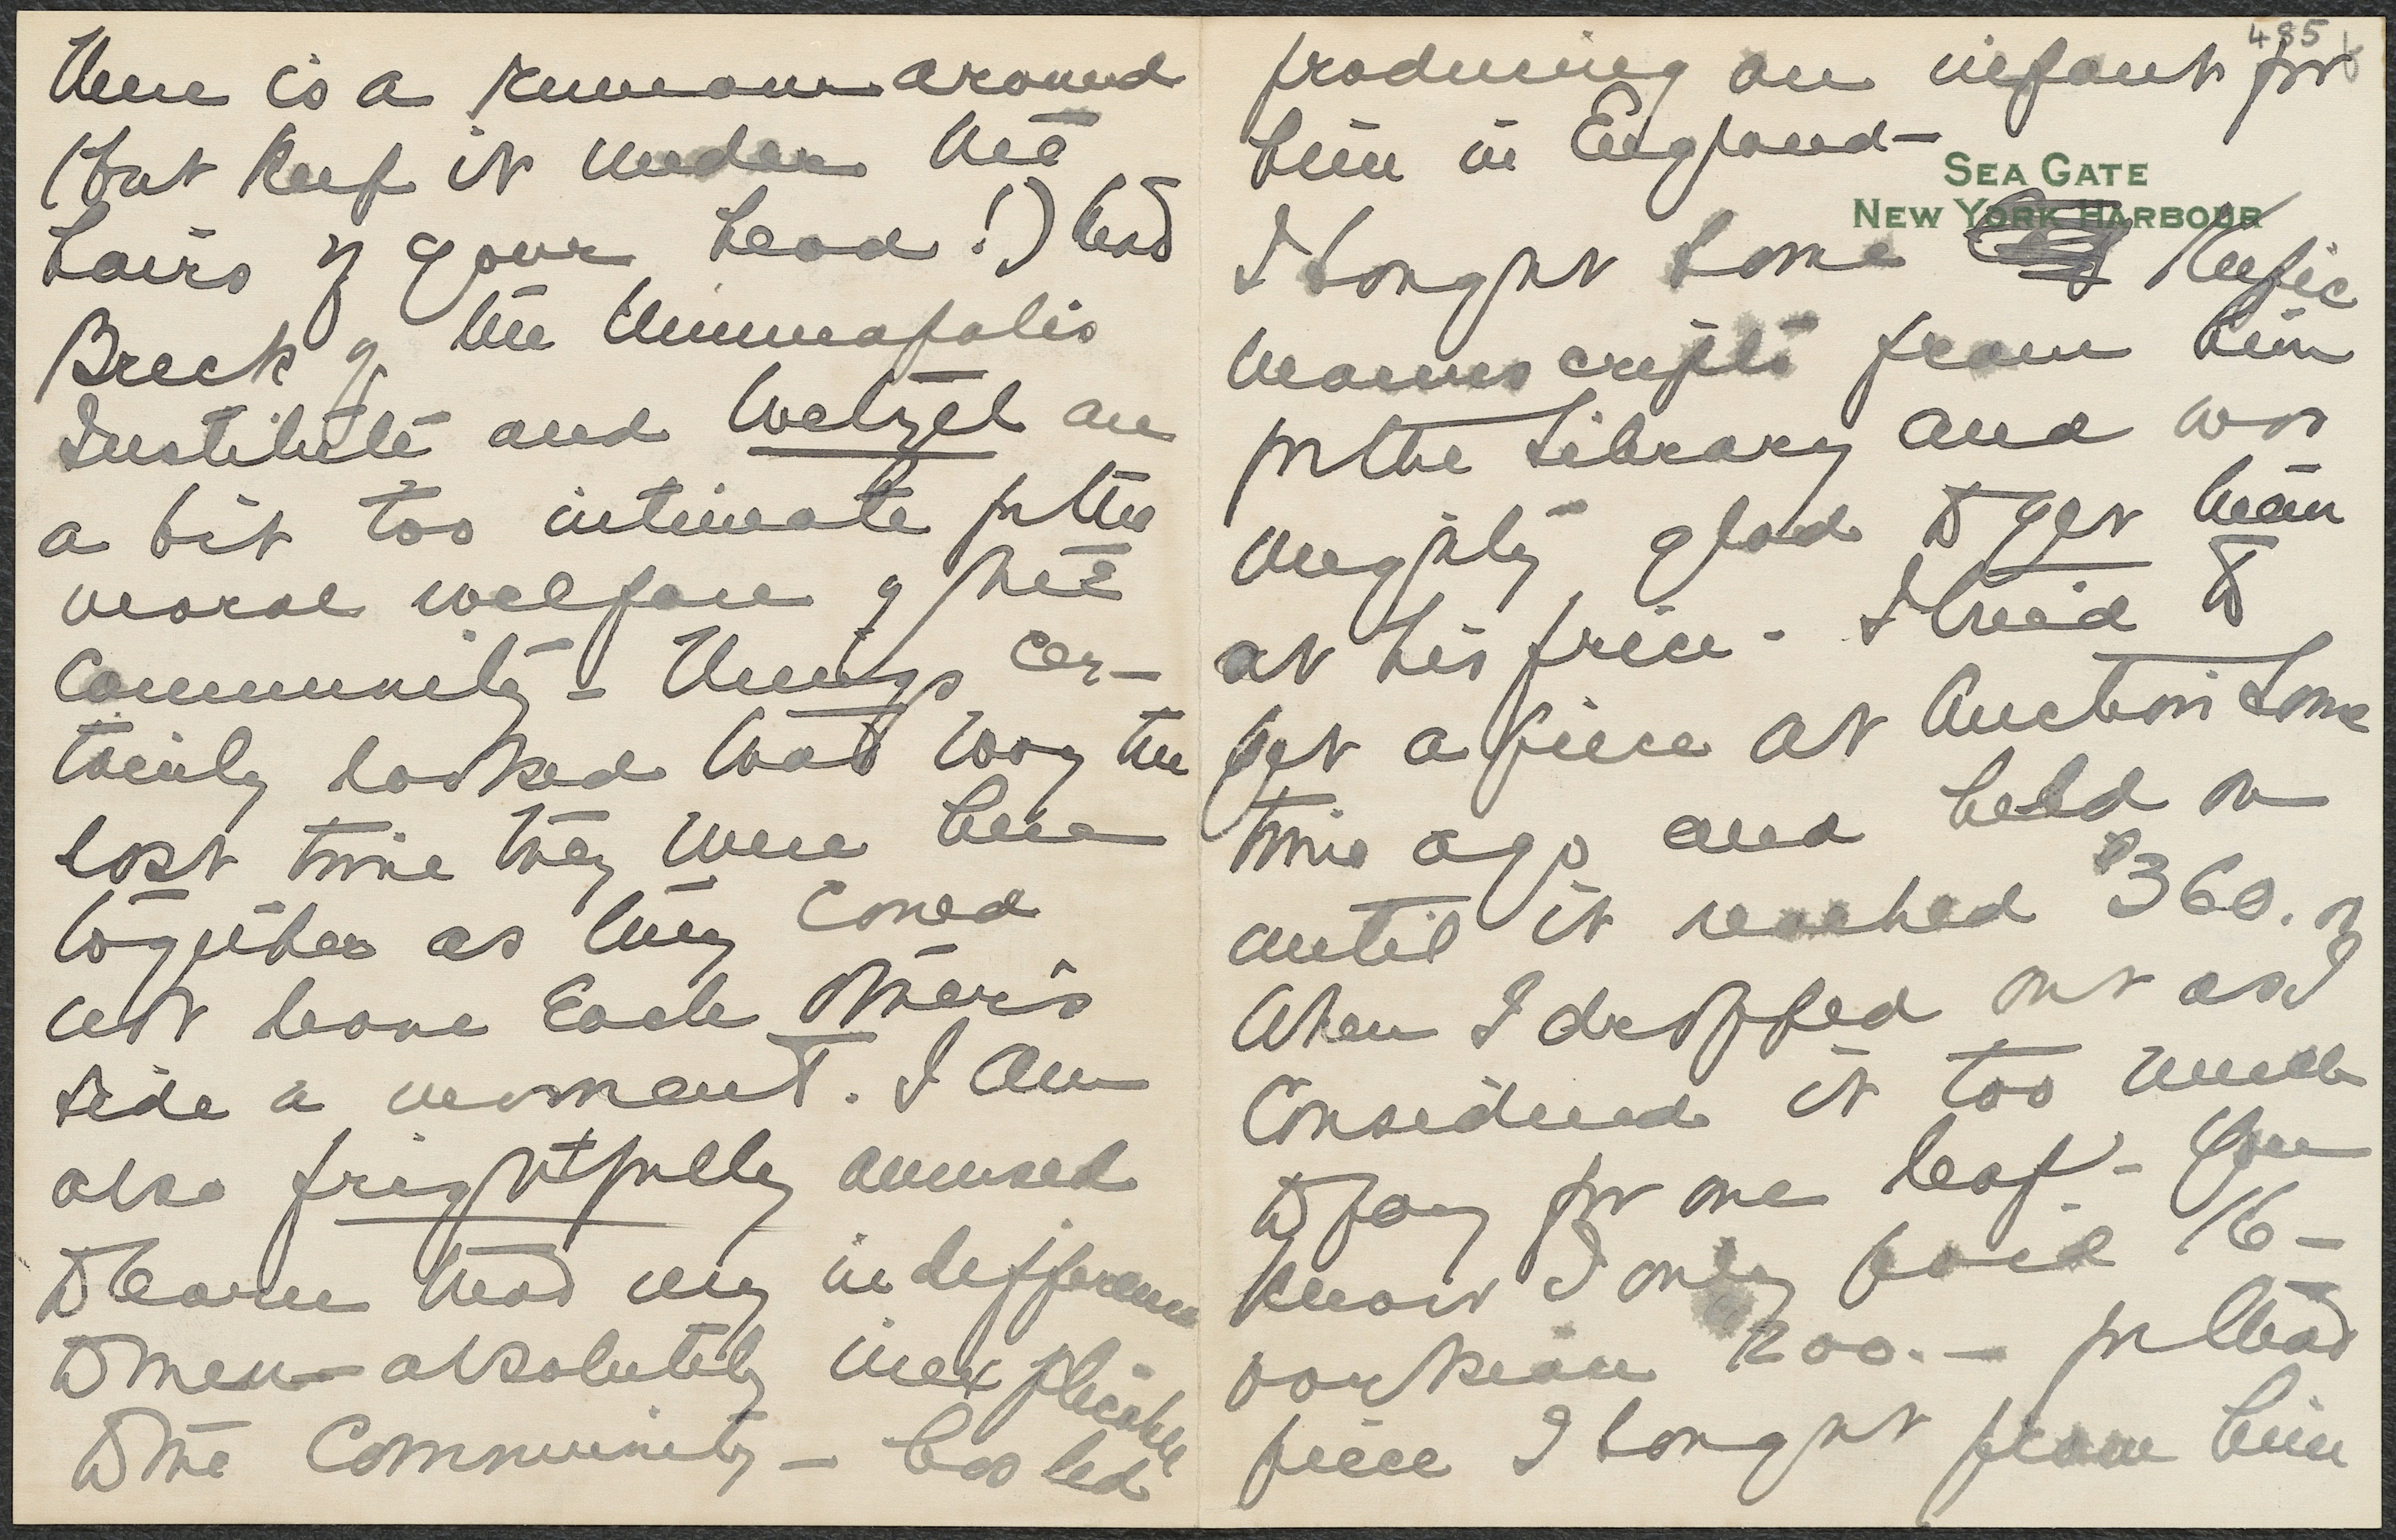producing an infant for him in England –
I bought some Cop Kufic manuscripts from him for the Library and was mighty glad to get them at his price – I tried to get a piece at auction some time ago and held on until it reached $360.00 when I dropped out as I considered it too much to pay for one leaf – you know I only paid Kevorkian 200. – for that piece I bought from him
there is a rumour around (but keep it under the hairs of your head!) that Breck of the Minneapolis Institute and Wetzel are a bit too intimate for the moral welfare of the community – Things certainly looked that way the last time they were here together as they could not leave each other’s side a moment. I am also frightfully amused to learn that my indifference to men – absolutely inexplicable to the community – has led